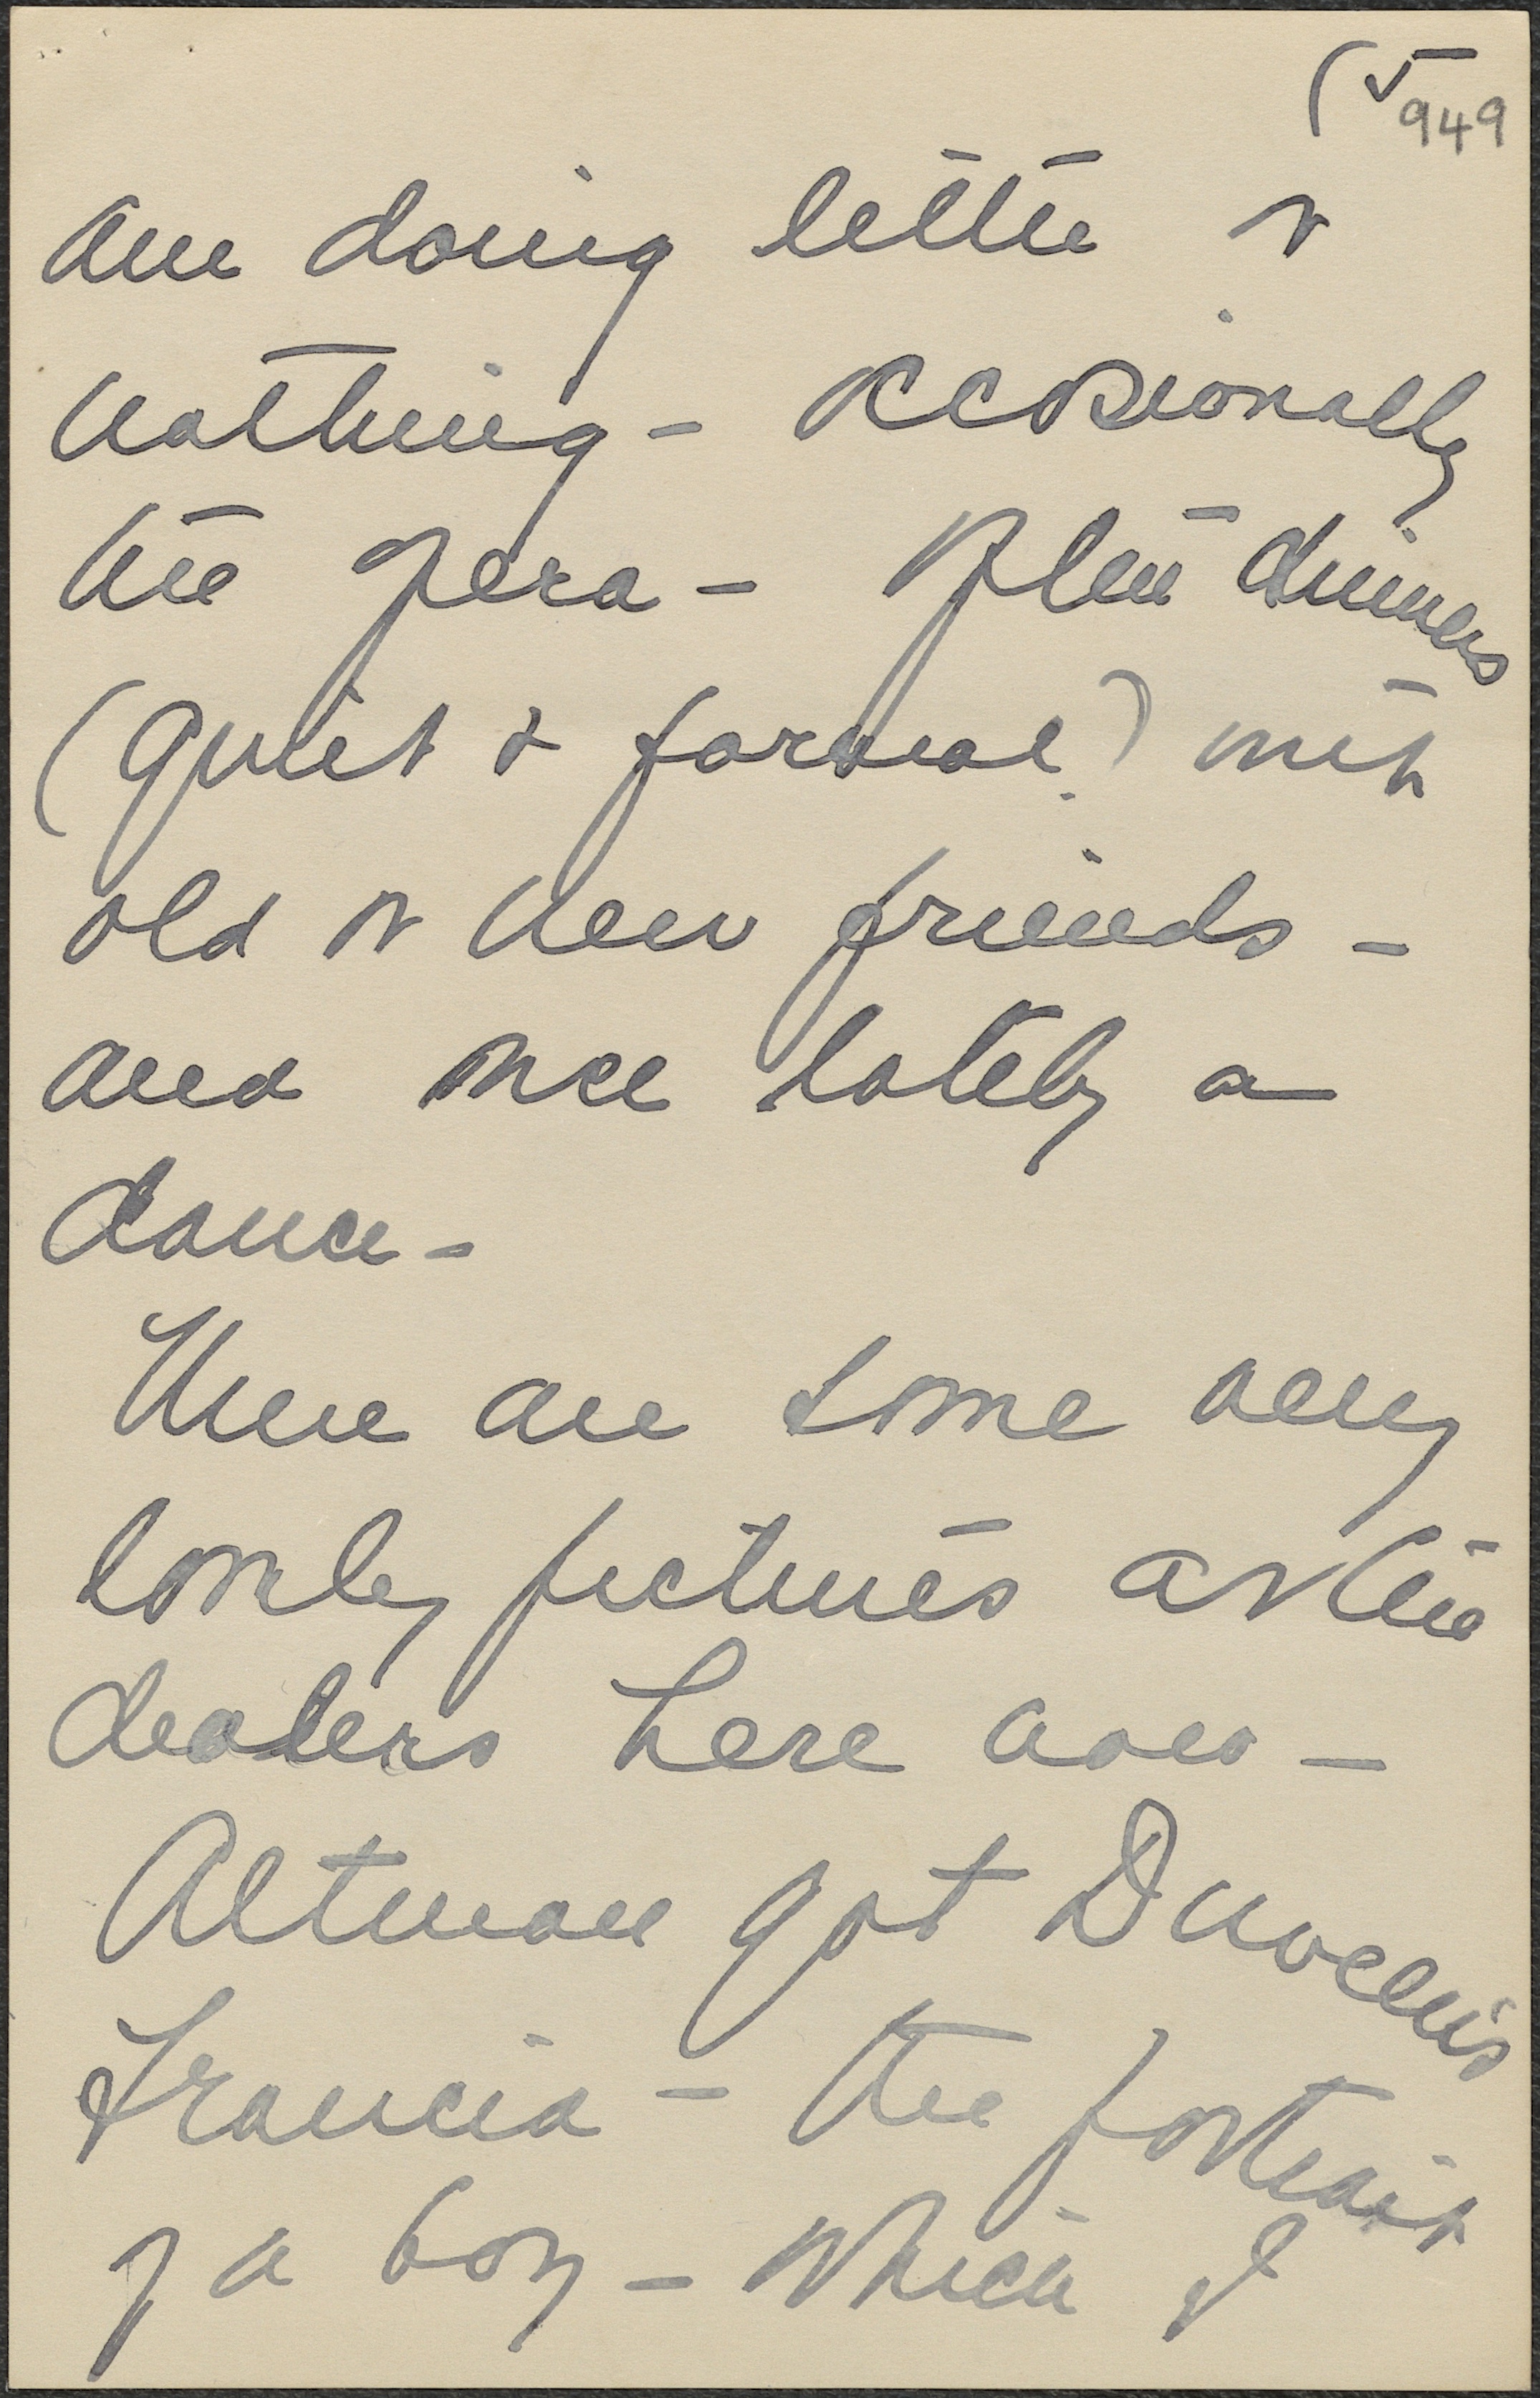(5
am doing little or nothing – occasionally the opera – often dinners (quiet & formal) with old or new friends – and once lately a dance –
There are some very lovely pictures at the dealers here now –
Altman got Duveen’s Francia – the portrait of a boy – which I